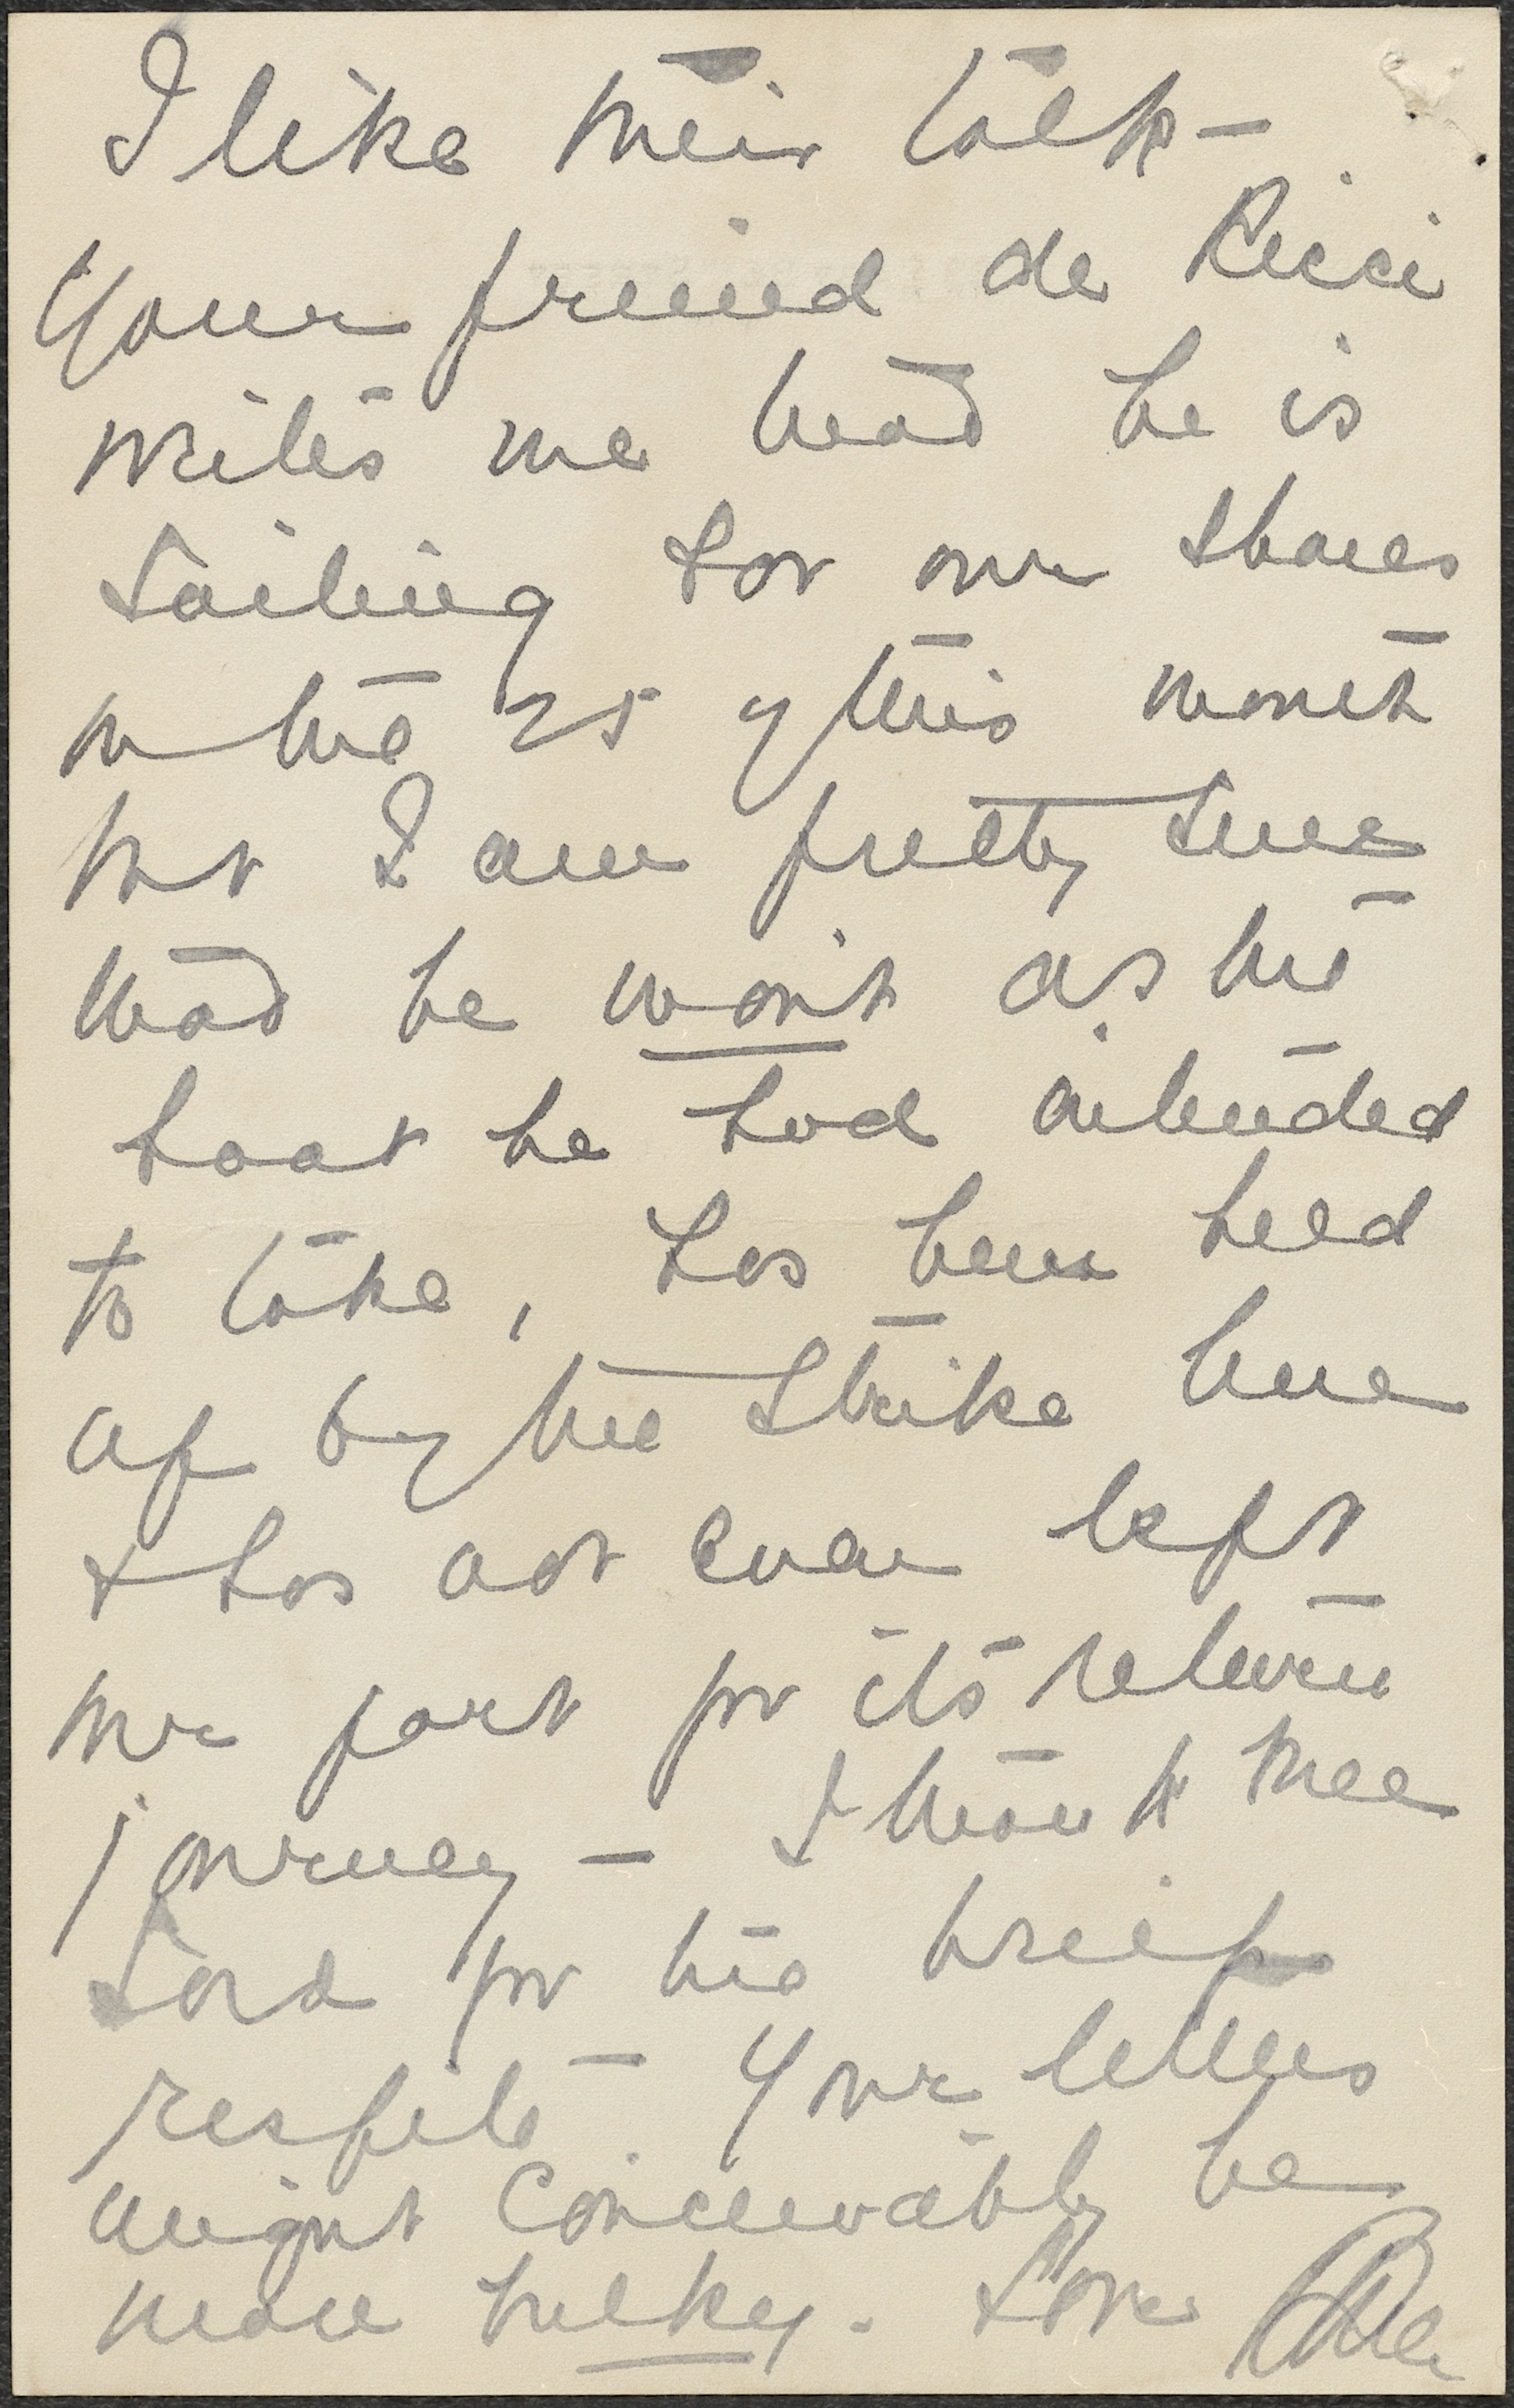I like their talk – Your friend de Ricci writes me that he is sailing for our shores on the 25 of this month but I am pretty sure that he won't as the boat he had intended to take, has been held up by the strike here & has not even left our port for its return journey – I thank thee Lord for the brief respite – your letters might conceivably be more bulky.
Love
Belle